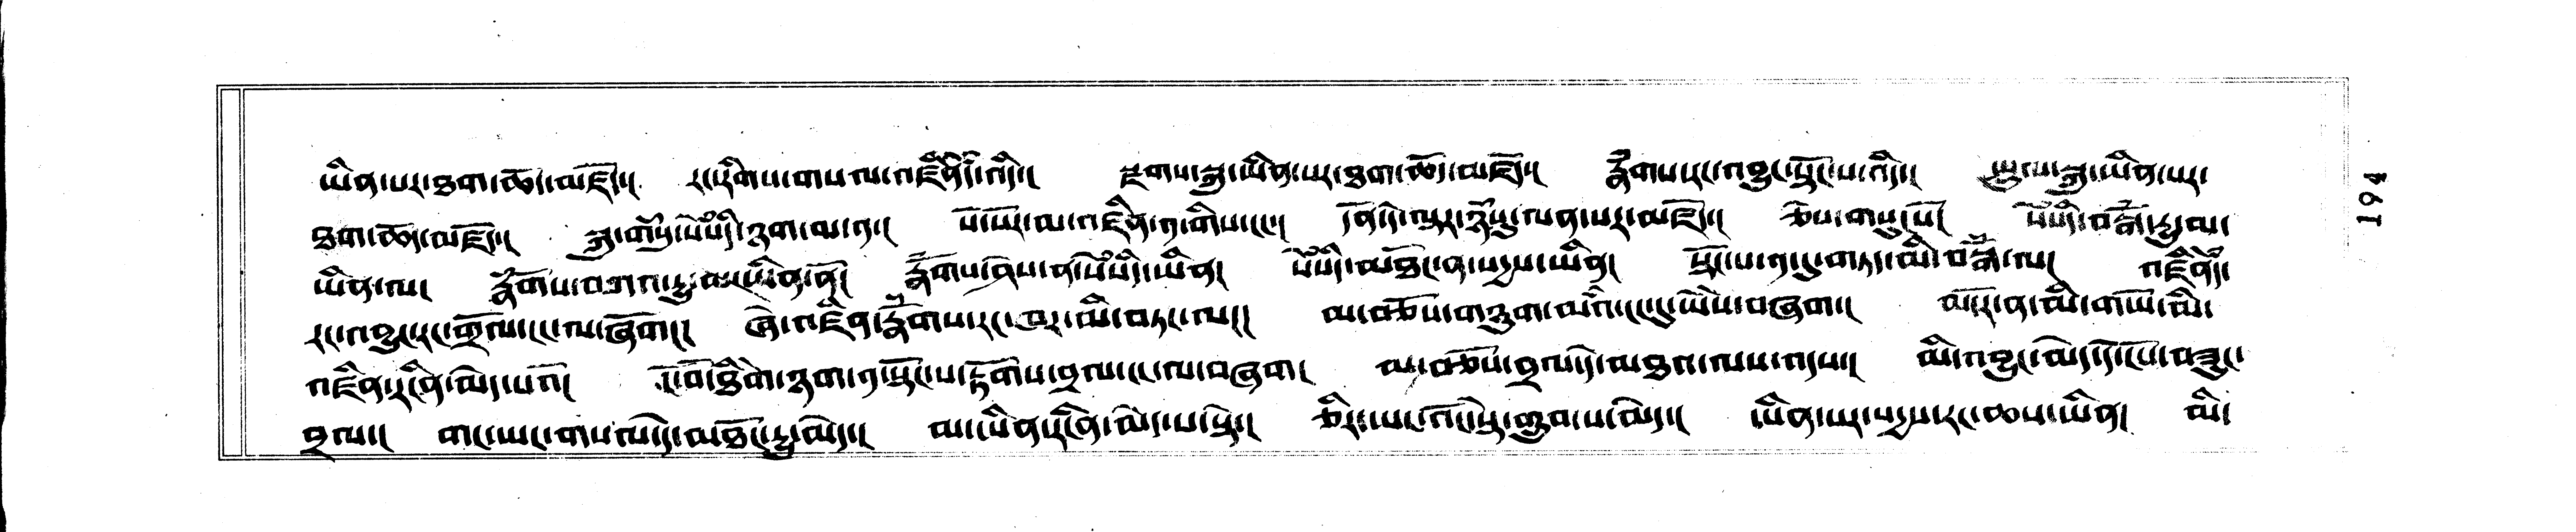ཡིན་པར་ཐག་ཆོད་མཛོད། རང་རིག་གསལ་ལ་འཛིན་མེད་འདི། རྫོགས་སྐུ་ཡིན་པར་ཐག་ཆོད་མཛོད། རྣམ་རྟོག་རང་འབྱུང་སྟོང་པ་འདི། སྤྲུལ་སྐུ་ཡིན་པར་
ཐག་ཆོད་མཛོད། སྐུ་གསུམ་སེམས་ཉིད་ཉག་མ་གཅིག སོ་སོར་མ་འཛིན་གཅིག་གི་ངང། དོན་དེ་ལྟར་ཉམས་སུ་ལེན་མཛོད་ཅིག་གསུངས། སེམས་ཉིད་སྒོམ་རྒྱུ་མ་
ཡིན་ལ། རྣམ་རྟོག་བཀག་རྒྱུ་མ་ཡིན་ནོ། རྣམ་རྟོག་ཤེས་ནས་སེམས་ཉིད་དོ། སེམས་ཉིད་མཐོང་ནས་སངས་རྒྱས་ཡིན། སྟོང་པ་གཅིག་ཏུ་གཏད་ལ་མི་སྒོམ་ལ། འཛིན་
མེད་རང་གྲོལ་རང་འབྱུང་ངང་ལ་བཞག ཞེ་འཛིན་རྣམ་རྟོག་རང་ཁར་མི་བཏང་ལ། མ་བཅོས་གཉུག་མའི་ངང་དུ་ཡེ་ཤེས་བཞག མདོར་ན་མི་གཡོ་མི་
འཛིན་རང་བཞིན་མེད་པའི། ངོའོ་ཐིག་ལེ་ཉག་ཅིག་སྟོང་རྟོག་བྲལ་བར་བཞག བཅས་བཅོས་བྲལ་ཏེ་མཐའ་ལས་འདས། མི་འབྱུང་མེད་དེ་ངོས་བཟུང་
བྲལ། གང་ཡང་གསལ་ཏེ་མཐོང་རྒྱུ་མེད། མ་ཡིན་རང་བཞིན་མེད་པ་དེ། ཅིར་ཡང་འོང་སྟེ་གྲུབ་པ་མེད། ཡིན་པ་སངས་རྒྱས་རང་ཆས་ཏེ། མི་རྟོག་གི་དོན་དེ་ཤེས་མི་མེད། དེ་ཡང་ཅིའི་ཕྱིར་ཞེ་ན། ཡེ་སྟོང་རྣམ་དག་ཀུན་གཞི་འདི། ངོའོ་སྟོང་པས་བཅས་བཅོས་བྲལ། མཐའ་ལས་འདས་པས་མུ་མཐའ་མེད། མི་